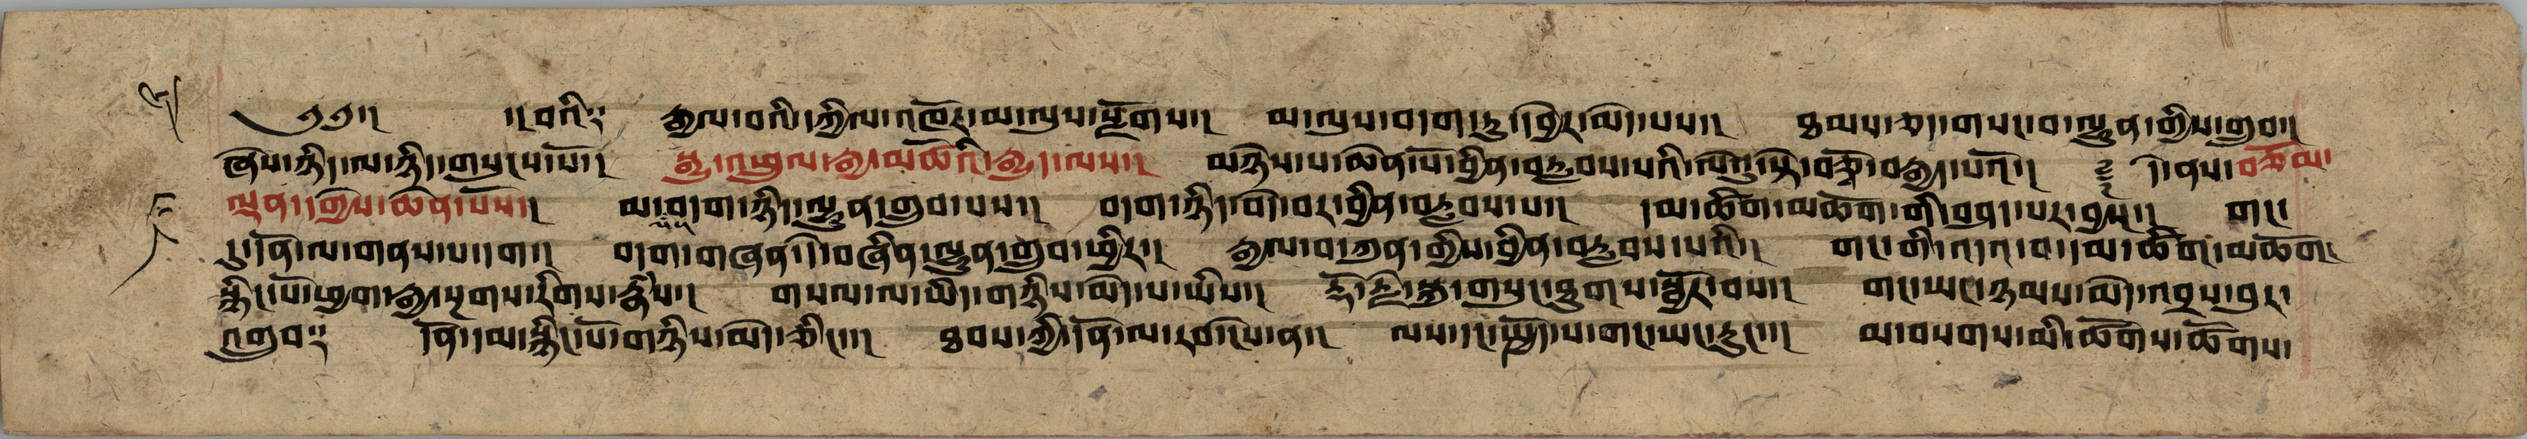༄༅་། ་བའི༑ རྒྱལ་བའི་དཀྱིལ་འཁོར་མ་ལུས་སྫོགས་། མ་ལུས་བདག་ཏུ་དབྱེར་མེདཔས་། ཐམས་ཅད་གསང་བ་ལྷུན་གྱིས་གྲུབ་།
ཞེས་ཉིད་ལ་ཉིད་གསུངས་སོ་། སྒྱུ་འཕྲུལ་རྒྱ་མཚོའི་རྒྱུད་ལས་། མཉེས་པ་ཆེན་པོ་བྱིན་བརླབས་པའི་ལེའུ་སྟེ་བཅྭོ་བརྒྱད་པའོ་། ࿑ དེ་ནས་བཅོམ་
ལྡན་དགྱེས་ཆེན་པོས་། མ་འདས་བདག་ཉིད་ལྷུན་གྲུབ་པས་། བདག་ཉིད་བདེ་བར་བྱིན་བརླབས་པ་། དམ་ཚིག་མཆོག་གི་བཤད་པར་བྱས་། གང་
དུ་དོན་ལ་གནས་པ་དག་། བདག་གཞན་དེ་བཞིན་ལྷུན་གྲུབ་ཕྱིར་། རྒྱལ་བ་ཀུན་གྱིས་བྱིན་བརླབས་པའི་། གང་གི་འདའ་བ་དམ་ཚིག་མཆོག་
སྙིང་པོ་ཕྱག་རྒྱ་སྔགས་རིགས་རྣཾས་། གསལ་ལ་ཡིད་གཉིས་མེད་པ་ཡིས་། རྡོ་རྗེ་སྐུ་གསུང་ཐུགས་སྦྱོར་བས་། གང་ཡང་ཉམས་མེད་འབྲས་བུར་
འགྲུབ༑ དོན་དམ་སྙིང་པོ་གཉིས་མེད་ཅིང་་། ཐབས་ཀྱི་དོན་ལ་རབ་ངེས་ན་། ལས་དང་སྤྱོད་པ་གང་ཡང་རུང་་། མ་བསགས་མི་ཚོགས་ཚོགས་